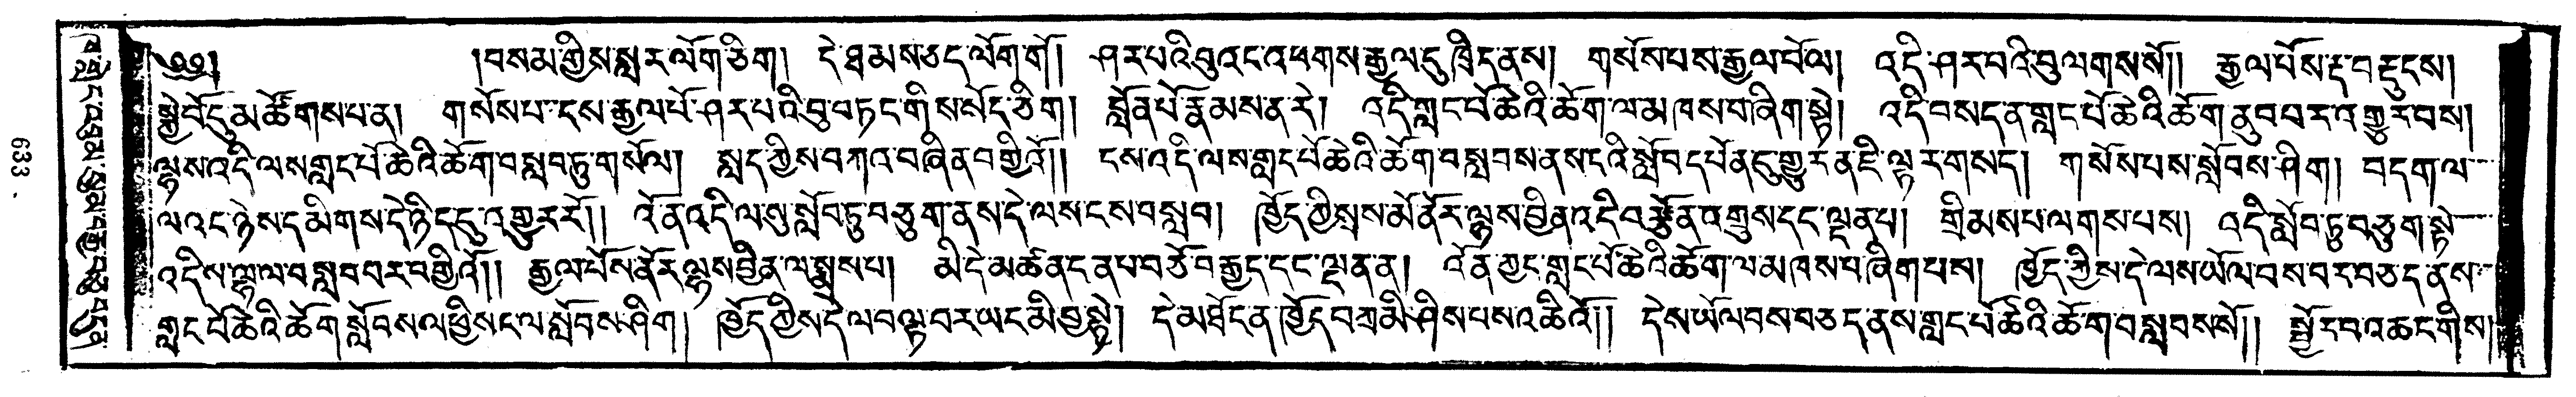༄༅། །བསམ་གྱིས་སླར་ལོག་ཅིག། དེ་ཐམས་ཅད་ལོག་གོ། ཤར་པའི་བུའང་འཕགས་རྒྱལ་དུ་ཁྲིད་ནས། གསོས་པས་རྒྱལ་པོ་ལ། འདི་ཤར་བའི་བུ་ལགས་སོ། །རྒྱལ་པོས་རྡ་བརྡུངས།
སྐྱེ་བོ་དུ་མ་ཚོགས་པ་ན། གསོས་པ་ངས་རྒྱལ་པོ་ཤར་པའི་བུ་བཏང་གིས་སོང་ཅིག། བློན་པོ་རྣམས་ན་རེ། འདི་གླང་པོ་ཆེའི་ཆོ་ག་ལ་མཁས་བ་ཞིག་སྟེ། འདི་བསད་ན་གླང་པོ་ཆེའི་ཆོ་ག་ནུབ་པར་འགྱུར་བས།
ལྷས་འདི་ལས་གླང་པོ་ཆེའི་ཆོ་ག་བསླབ་ཏུ་གསོལ། སླད་ཀྱིས་བཀའ་བཞིན་བགྱིའོ།། ངས་འདི་ལས་གླང་པོ་ཆེའི་ཆོ་ག་བསླབས་ནས་ངའི་སློབ་དཔོན་དུ་གྱུར་ན་ཇི་ལྟར་གསད། གསོས་པས་སློབ་ཤིག། བདག་ལ་
ལའང་ཉེས་དམིགས་དེ་ཉིད་དུ་འགྱུར་རོ།། འོ་ན་འདི་ལ་སུ་སློབ་ཏུ་བཅུག་ནས་དེ་ལས་ངས་བསླབ། ཁྱོད་ཀྱི་སྲས་མོ་ནོར་ལྷས་བྱིན་འདི་བརྩོན་འགྲུས་དང་ལྡན་པ། གྲིམས་པ་ལགས་པས། འདི་སློབ་ཏུ་བཅུག་སྟེ་
འདིས་ལྷ་ལ་བསླབ་པར་བགྱིའོ།། རྒྱལ་པོས་ནོར་ལྷས་བྱིན་ལ་སྨྲས་པ། མི་དེ་མཚན་ངན་པ་བཅོ་བརྒྱད་དང་ལྡན་ན། འོན་ཀྱང་གླང་པོ་ཆེའི་ཆོ་ག་ལ་མཁས་པ་ཞིག་པས། ཁྱོད་ཀྱིས་དེ་ལས་ཡོལ་བས་བར་བཅད་ནས་
གླང་པོ་ཆེའི་ཆོག་སློབས་ལ་ཕྱིས་ང་ལ་སློབས་ཤིག། ཁྱོད་ཀྱིས་དེ་ལ་བལྟ་བར་ཡང་མི་བྱ་སྟེ། དེ་མཐོང་ན་ཁྱོད་བཀྲ་མི་ཤིས་པས་འཆིའོ།། དེས་ཡོལ་བས་བཅད་ནས་གླང་པོ་ཆེའི་ཆོ་ག་བསླབས་སོ།། སྦྱོར་བ་འཆང་གིས།